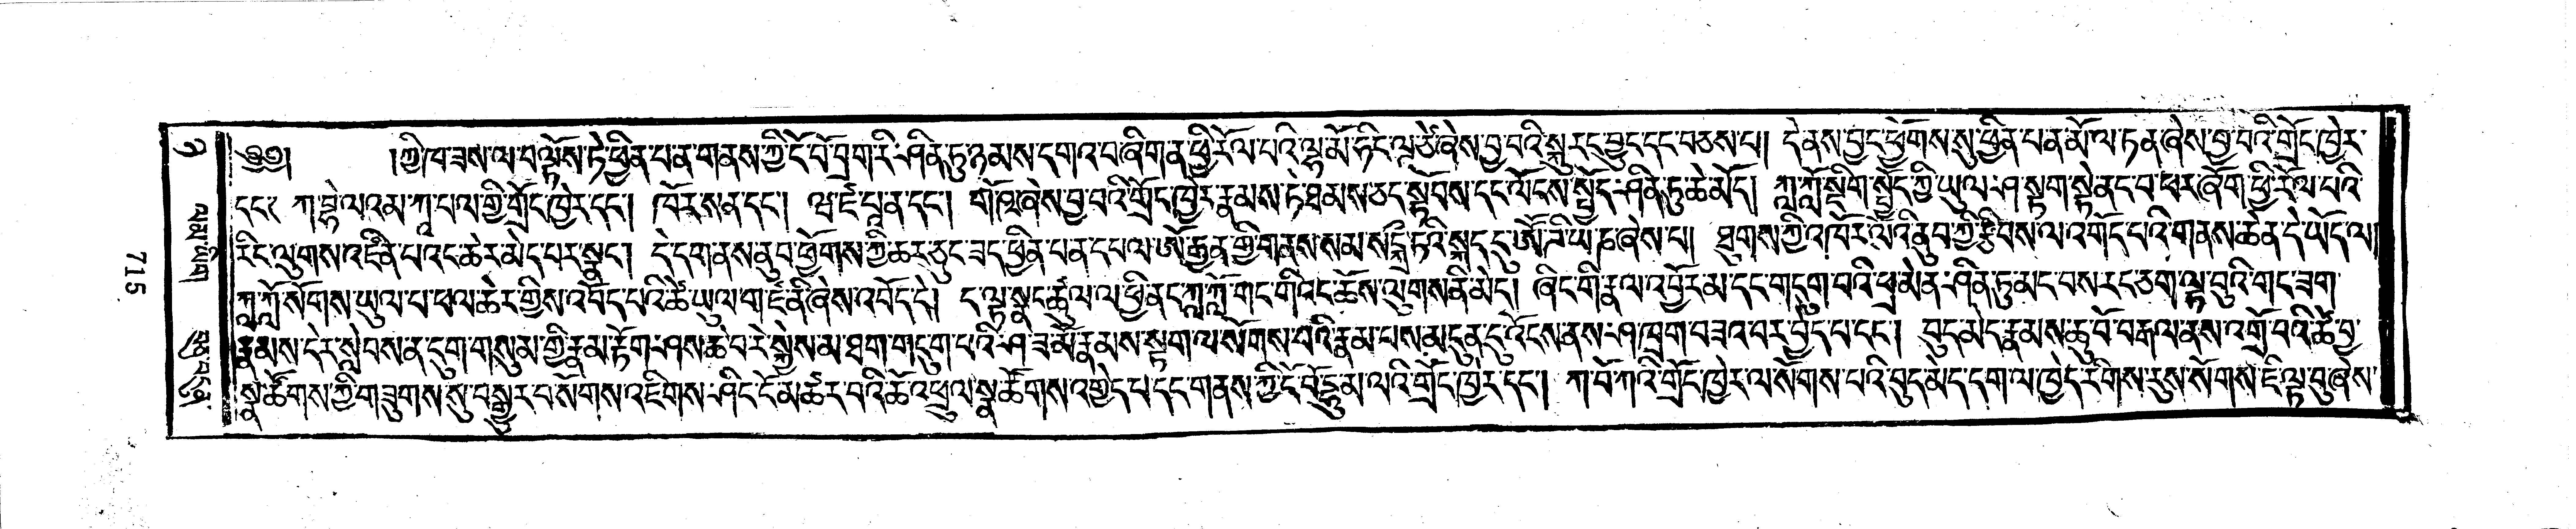༄༅། །ཀྱི་ཁ་ཟས་ལ་བལྟོས་ཏེ་ཕྱིན་པ་ན་གནས་ཀྱི་ངོ་བོ་བྲག་རི་ཤིན་ཏུ་ཉམས་དགའ་པ་ཞིག་ན་ཕྱི་རོལ་པའི་ལྷ་མོ་ཧིང་ལཱ?་ཙེ་ཞེས་བྱ་བའི་སྐུ་རང་བྱུང་དང་བཅས་པ། དེ་ནས་བྱང་ཕྱོགས་སུ་ཕྱིན་པ་ན་མོ་ལ་ཏན་ཞེས་བྱ་བའི་གྲོང་ཁྱེར་
དང༑ ཀ་བྷེ་ལའམ་ཀཱ་པལ་གྱི་གྲོང་ཁྱེར་དང་། ཁོར་སན་དང་། ཝ་ཛ་པཱ་ན་དང་། གོ་ཥ་ཞེས་བྱ་བའི་གྲོང་ཁྱེར་རྣམས་ཏེ་ཐམས་ཅད་སྟོབས་དང་ལོངས་སྤྱོད་ཤིན་ཏུ་ཆེ་མོད། ཀླ་ཀློ་སྡིག་སྤྱོད་ཀྱི་ཡུལ་ཤ་སྟག་སྟེ་ནང་བ་ཕར་ཞོག་ཕྱི་རོལ་བའི་
རིང་ལུགས་འཛིན་པའང་ཆེར་མེད་པར་སྣང་། དེ་དག་ནས་ནུབ་ཕྱོགས་ཀྱི་ཆར་ཅུང་ཟད་ཕྱིན་པ་ན་དཔལ་ཨོ་རྒྱན་གྱི་གནས་སམ་སིང་ཀྲ་ཏའི་སྐད་དུ་ཨཽ་ཌི་ཡ་ཎ་ཞེས་པ། ཐུགས་ཀྱི་འཁོར་ལོའི་ནུབ་ཀྱི་རྩིབས་ལ་འགོད་པའི་གནས་ཆེན་དེ་ཡོད་ལ།
ཀླ་ཀློ་སོགས་ཡུལ་པ་ཕལ་ཆེར་གྱིས་འབོད་པའི་ཚེ་ཡུལ་ག་ཛ་ནི་ཞེས་འབོད་དེ། ད་ལྟ་སྣང་ཚུལ་ལ་ཕྱི་ནང་ཀླ་ཀློ་གང་གིའང་ཆོས་ལུགས་ནི་མེད། ཞིང་གི་རྣལ་འབྱོར་མ་དང་གདུག་པའི་ཕྲ་མེན་ཤིན་ཏུ་མང་བས་རང་ཅག་ལྟ་བུའི་གང་ཟག་
རྣམས་དེར་སླེབས་ན་དུག་གསུམ་གྱི་རྣམ་རྟོག་ཤས་ཆེ་བ་རེ་སྐྱེས་མ་ཐག་གདུག་པའི་ཤ་ཟ་མོ་རྣམས་སྟག་ལ་སོགས་པའི་རྣམ་པས་མདུན་དུ་འོངས་ནས་ཤ་ཁྲག་བཟའ་བར་བྱེད་པ་དང་། བུད་མེད་རྣམས་ཆུ་བོ་བརྒལ་ནས་འགྲོ་བའི་ཚོ་བྱ་
སྣ་ཚོགས་ཀྱི་གཟུགས་སུ་བསྒྱུར་པ་སོགས་འཇིགས་ཤིང་ངོ་མཚར་བའི་ཆོ་འཕྲུལ་སྣ་ཚོགས་འགྱེད་པ་དང་གནས་ཀྱི་ངོ་བོ་དྷུ་མ་ལའི་གྲོང་ཁྱེར་དང་། ཀ་བོ་ཀའི་གྲོང་ཁྱེར་ལ་སོགས་པའི་བུད་མེད་དག་ལ་ཁྱེད་རིགས་རུས་སོགས་ཇི་ལྟ་བུ་ཞེས་